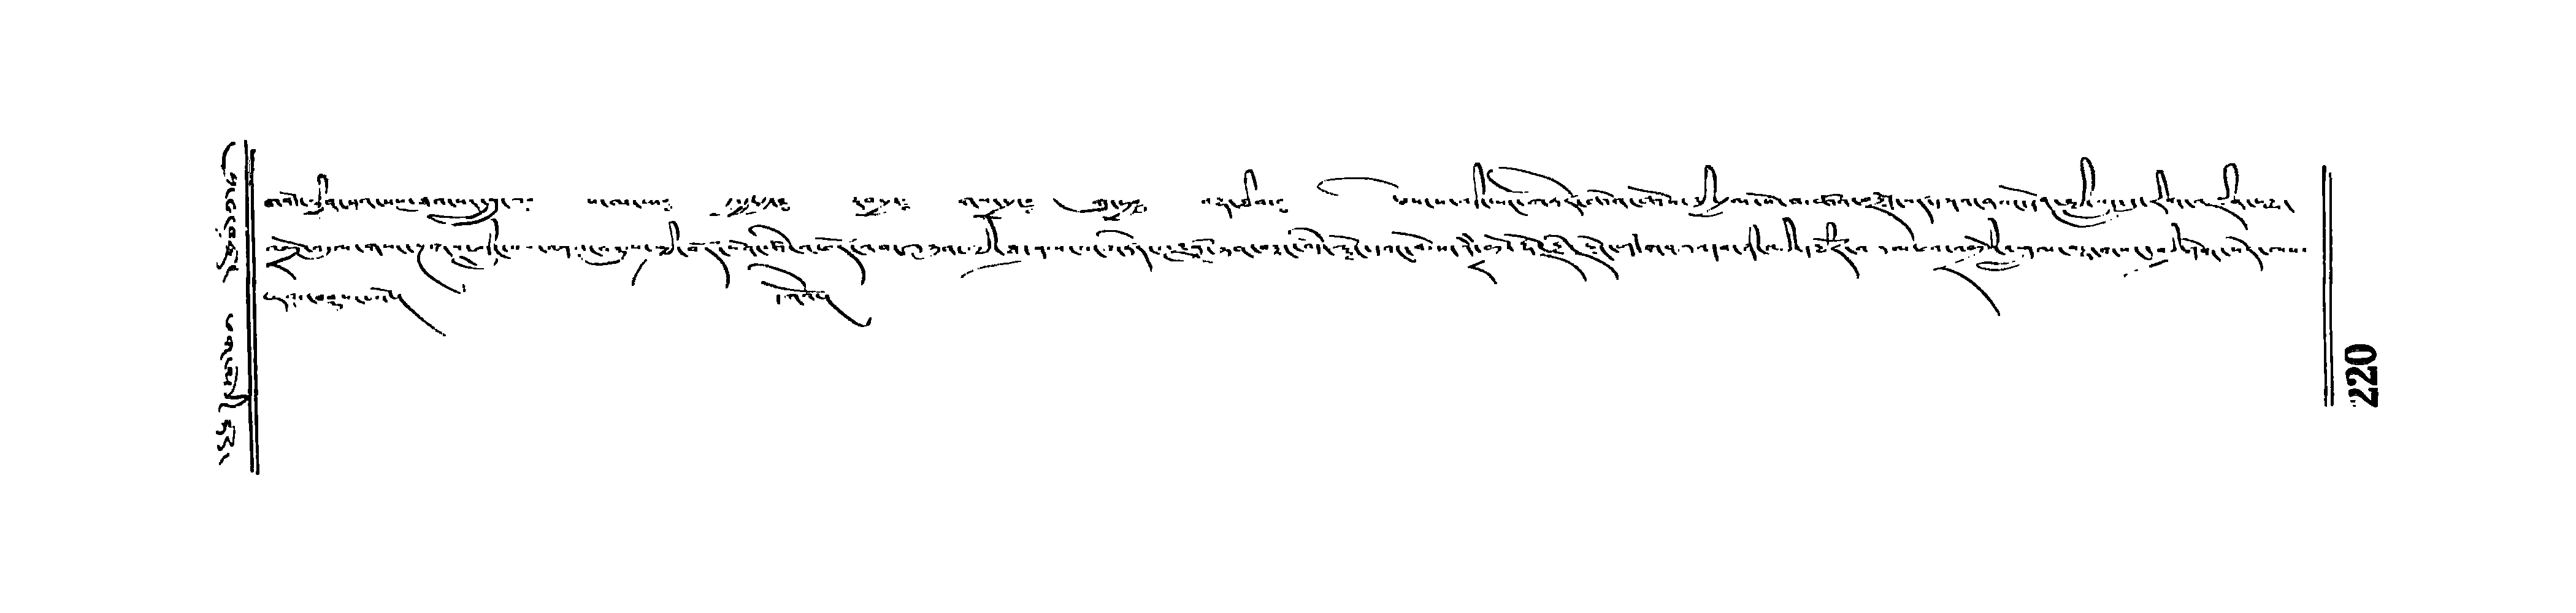གནོད་སྦྱིན་ཤན་པས་ཐུབ་པར་སྲུངས༔ ས་མ་ཡ༔ རྒྱ་རྒྱ་རྒྱ༔ ཟབ་རྒྱ༔ གསང་རྒྱ༔ གུ་རྒྱ༔ བརྡ་ཐིམ༔ ཅེས་པ་འདི་ཡང་གཏེར་ཆེན་ཆོས་ཀྱི་རྒྱལ་པོ་མཚན་བརྗོད་པར་དཀའ་ནའང་དོན་གྱི་སླད་དུ་རིག་འཛིན་པདྨ་
འགྲོ་འདུལ་གསང་སྔགས་གླིང་པས་བཀའ་བསྐུལ་སྤྱི་བོར་སོན་ཚེ་འཁོར་འབངས་ཀུན་གྱི་ཐ་ཤལ་བ་གཏེར་བརྫུན་ཀུན་བཟང་བདེ་སྐྱོང་དབང་མོས་ནེ་གྲོ་རྡོ་རྗེ་རྫོང་གི་གནས་འདབས་ཉི་མའི་དཀྱིལ་འཁོར་ནས་མཁའ་འགྲོའི་འཕྲུལ་བརྡ་གསང་བའི་ཤོག་སེར་ལས་
ཞལ་བཤུས་པའོ།། དགེའོ།།